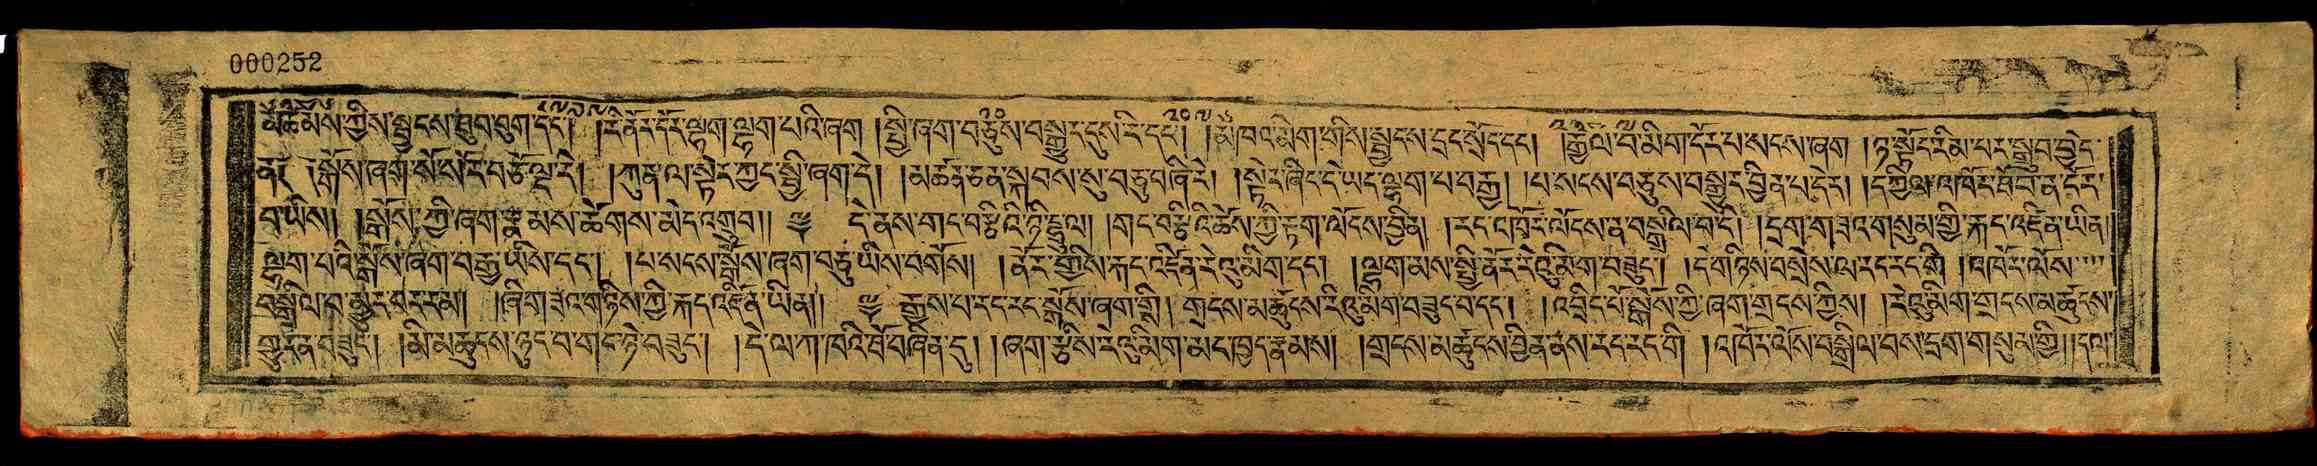མཚམས་ཀྱིས་སྦྱངས་ཐུབ་བུག་དང་། །རི་ནོར་དོར་ལྷག་ལྷག་པའི་ཞག །སྤྱི་ཞག་བཅུས་བསྒྱུར་དུས་རི་དང་། །མཁའ་མིག་གིས་སྦྱངས་དྲང་སྲོང་དང་། །རྒྱལ་བ་མི་གདོར་པ་སངས་ཞག །ཉ་སྟོང་རིམ་པར་སྒྲུབ་བྱེད་
ན༑ ༑སྒོས་ཞག་སོ་སོར་བཅོ་ལྔ་རེ། །ཀུན་ལ་སྟེར་ཀྱང་སྤྱི་ཞག་དེ། །མཚན་ཅན་སྐབས་སུ་བཅུ་བཞི་རེ། །སྟེར་ཞིང་དེ་ཡང་ལྷག་པ་བརྒྱ། །པ་སངས་བཅུས་བསྒྱུར་བྱིན་པ་དེར། །དཀྱིལ་འཁོར་ཐོབ་ན་དོར་
བ་ཡིས། །སྒོས་ཀྱི་ཞག་རྣམས་ཚེགས་མེད་འགྲུབ།། འ་དེ་ནས་གང་བརྩིའི་ཉི་དྷུ་ལ། །གང་བརྩིའི་ཚེས་ཀྱི་རྟག་ལོངས་བྱིན། །རང་འཁོར་ལོངས་ན་བསྒྲིལ་བ་དེ། །དྲག་གཟའ་གསུམ་གྱི་རྐང་འཛིན་འཛིན་
ལྷག་པའི་སྒོས་ཞག་བརྒྱ་ཡིས་དང་། །པ་སངས་སྒྲོས་ཞག་བཅུ་ཡིས་བགོས། །ནོར་གྱིས་རྐང་འཛིན་རེའུ་མིག་དང་། །ལྷག་མས་སྤྱི་ནོར་རེའུ་མིག་བཟུང་། །དེ་གཉིས་བསྲེས་ལ་རང་གི །འཁོར་ལོས་
བསྒྲིལ་བ་མྱུར་བར་རམ། །ཞི་གཟའ་གཉིས་ཀྱི་རྐང་འཛིན་ཡིན། འ་རྒྱས་པ་རང་རང་སོགས་ཞག་གིས། གྲངས་མཚུངས་རེའུ་མི་བཟུང་བ་དང་། །འབྲིང་པོ་སོགས་ཀྱི་ཞག་གྲངས་ཀྱིས། །རེའུ་མིག་གྲངས་མཚུངས་
གྱུར་ན་བཟུང་། །མཚུངས་ཉུང་བ་གད་ཉེས་ཟུང་། །དེ་ལ་ཀ་ཁའི་ཐ་བཞིན་དུ། །ཞག་རྩིས་རེའུ་མིག་མང་ཁྱད་རྣམས། །གྲངས་མཚུངས་བྱིན་ནས་རང་རང་གི །འཁོར་ལོས་བསྒྲིལ་བས་དྲག་གསུམ་གྱི། །དལ་